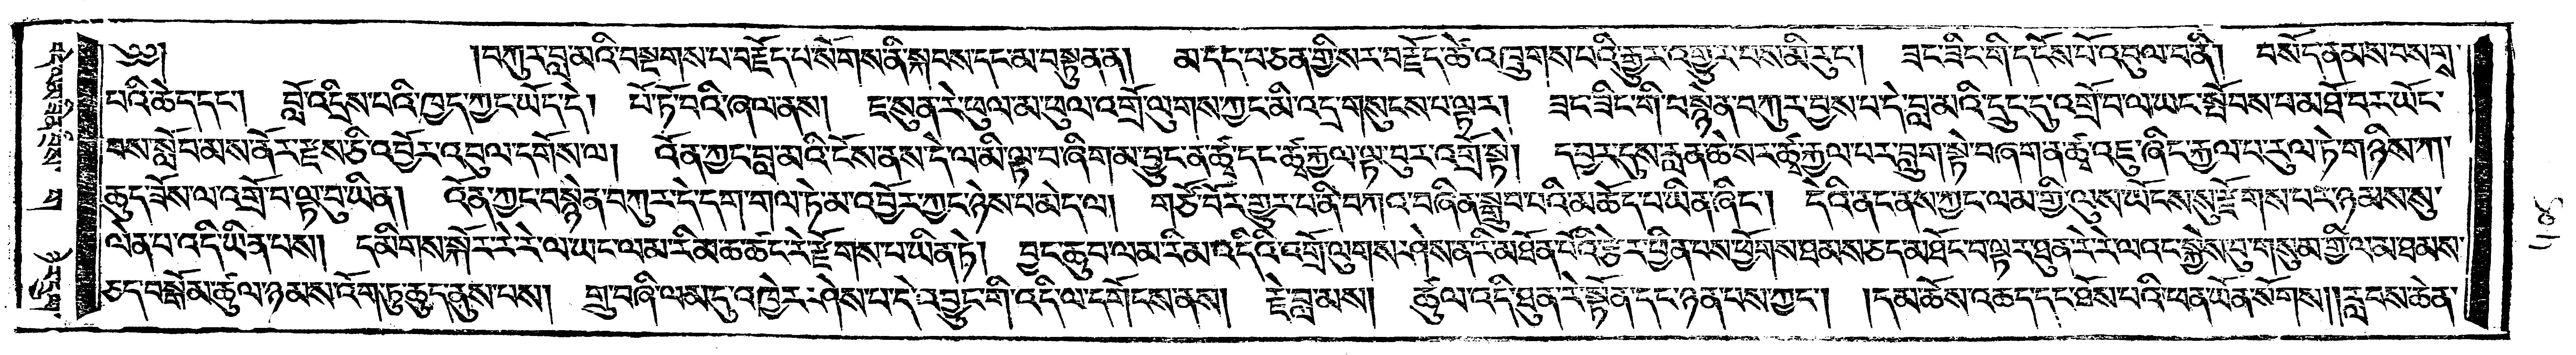༄༅། །བཀུར་བླ་མའི་བསྔགས་པ་བརྗོད་པ་སོགས་ནི་སྐབས་དང་མ་བསྟུན་ན། མ་དད་པ་ཅན་གྱི་སར་བརྗོད་ཚེ་འཁྲུགས་པའི་རྒྱུར་འགྱུར་བས་མི་རུང་། ཟང་ཟིང་གི་དངོས་པོ་འབུལ་བ་ནི། བསོད་ནམས་བསག་
པའི་ཆེད་དང་། བློ་འདྲིས་པའི་ཁྱད་ཀྱང་ཡོད་དེ། པོ་ཏོ་བའི་ཞལ་ནས། ཇ་སུན་རེ་ཕུལ་མ་ཕུལ་འགྲོ་ལུགས་ཀྱང་མི་འདྲ་གསུངས་པ་ལྟར། ཟང་ཟིང་གི་བསྙེན་བཀུར་བྱས་པ་དེ་བླ་མའི་དྲུང་དུ་འགྲོ་བ་ལ་ཡང་སྤོབས་པ་མཐོ་བར་ཡོང་
བས་སློབ་མས་ནོར་རྫས་ཅི་འབྱོར་འབུལ་དགོས་ལ། འོན་ཀྱང་བླ་མའི་ངོས་ནས་དེ་ལ་མི་ལྟ་བ་ཞིག་མ་བྱུང་ན་ཚྭ་དང་ཚྭ་རྐྱལ་ལྟ་བུར་འགྲོ་སྟེ། དབྱར་དུས་རླན་ཆེ་སར་ཚྭ་རྐྱལ་པར་བླུག་སྟེ་བཞག་ན་ཚྭ་འཆུ་ཞིང་རྐྱལ་བ་རུལ་ཏེ་གཉིས་ཀ་
ཆུད་ཟོས་ལ་འགྲོ་བ་ལྟ་བུ་ཡིན༑ འོན་ཀྱང་བསྙེན་བཀུར་དེ་དག་གལ་ཏེ་མ་འབྱོར་ཀྱང་ཉེས་པ་མེད་ལ། གཙོ་བོར་གྱུར་པ་ནི་བཀའ་བཞིན་སྒྲུབ་པའི་མཆོད་པ་ཡིན་ཞིང་། དེའི་ནང་ནས་ཀྱང་ལམ་གྱི་ལུས་ཡོངས་སུ་རྫོགས་པར་ཉམས་སུ་
ལེན་པ་འདི་ཡིན་པས། དམིགས་སྐོར་རེ་རེ་ལ་ཡང་ལམ་རིམ་ཆ་ཚང་རྗེ་རྫོགས་པ་ཡིན་ཏེ། བྱང་ཆུབ་ལམ་རིམ་འདིའི་འགྲོ་ལུགས་ཤེས་ན་རི་མཐོན་པོའི་རྩེར་ཕྱིན་པས་ཕྱོགས་ཐམས་ཅད་མཐོང་བ་ལྟར་ཐུན་རེ་རེ་ལའང་སྐྱེས་བུ་གསུམ་གྱི་ལམ་ཐམས་
ཅད་བསྒོམ་ཚུལ་ཉམས་འོག་ཏུ་ཆུད་ནུས་པས། གྲུ་བཞི་ལམ་དུ་འཁྱེར་ཤེས་པ་དེ་འབྱུང་གི་འདི་ལ་དགོངས་ནས། རྗེ་བླ་མས། ཚུལ་འདི་ཐུན་རེ་སྟོན་དང་ཉན་པས་ཀྱང་། །དམ་ཆོས་འཆད་དང་ཐོས་པའི་ཕན་ཡོན་སོགས། །རླབས་ཆེན་